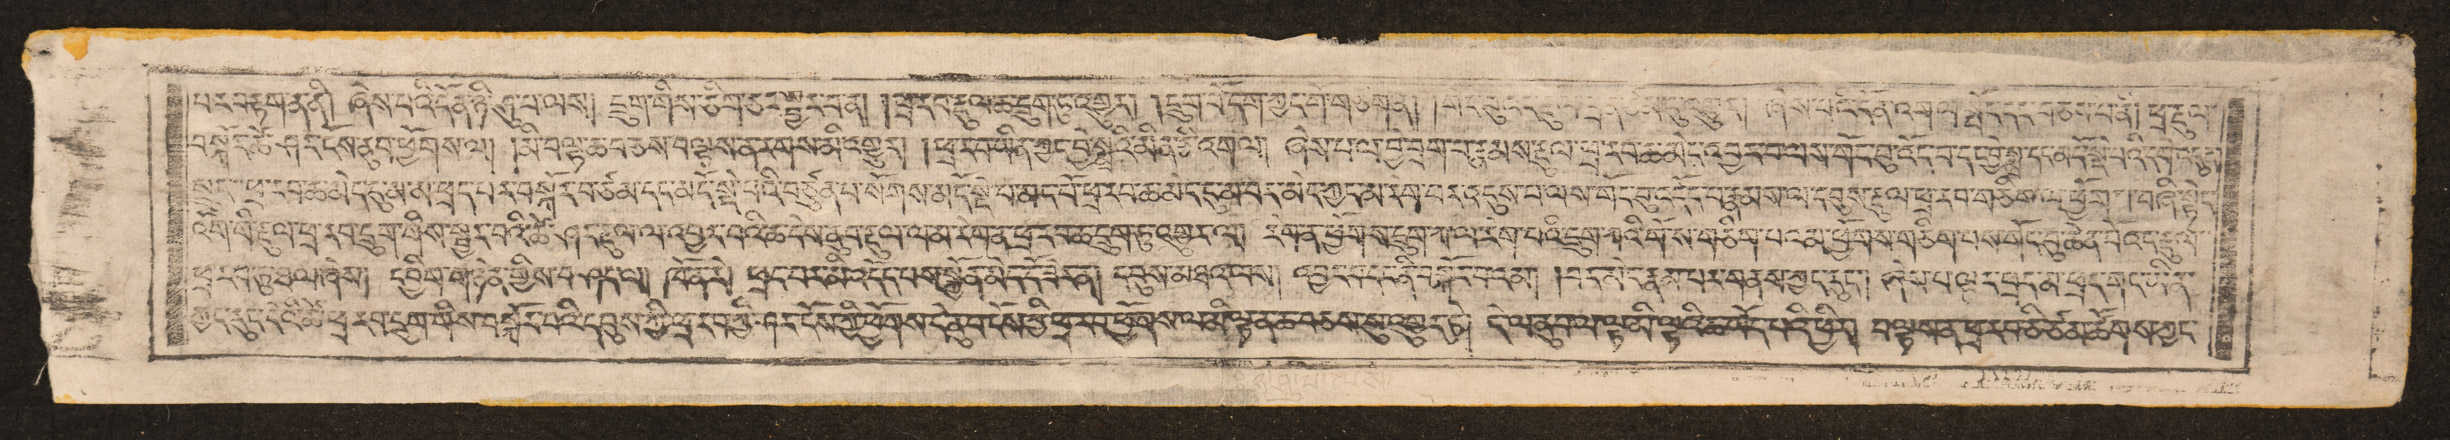པར་བརྟག་ན་ནི། ཞེས་པའི་དོན་ཉི་ཤུ་པ་ལས། དྲུག་གིས་ཅིག་ཅར་སྦྱར་བ་ན། །ཕྲ་རབ་རྡུལ་ཆ་དྲུག་ཏུ་འགྱུར། །དྲུག་པོ་དག་ཀྱང་གོ་གཅིག་ན། །གོང་བུའང་རྡུལ་ཕྲན་ཙམ་དུ་འགྱུར། ཞེས་པའི་དོན་འགལ་སྤོང་དང་བཅས་པ་ནི། ཕྲ་རྡུལ་
བསྐོར་ཚེ་ཤར་ངོས་ནུབ་ཕྱོགས་ལ། །མི་བལྟ་ཆ་བཅས་བལྟས་ན་རགས་མི་འགྱུར། །ཕྲ་རབ་ཡིན་ཀྱང་བྱེ་སྨྲའི་མིན་ཅི་འགལ། ཞེས་པ་ལ་བྱེ་བྲག་པ་རྣམས་རྡུལ་ཕྲ་རབ་ཆ་མེད་འབྱར་བ་ལས་གོང་བུ་འོད་བ་དང་བྱེ་སྒྲ་དང་མདོ་སྡེ་བའི་དགེ་འདུན་
སྲུང་ཕྲ་རབ་ཆ་མེད་དུ་མ་མ་གྲད་པར་བསྐོར་བ་ཙམ་དང་མདོ་སྡེ་པའི་བཙུན་པ་སོགས་མདོ་སྡེ་པ་མང་པོ་ཕྲ་རབ་ཆ་མེད་དུ་མ་བར་མེད་ཀྱང་མ་རེག་པར་འདུས་པ་ལས་གོང་བུ་འདོད་པ་རྣམས་ལ་དབུས་རྡུལ་ཕྲ་རབ་གཅིག་ལ་ཕྱོགས་བཞི་སྟེང་
འོག་གི་རྡུལ་ཕྲ་རབ་དྲུག་གིས་སྦྱར་བའི་ཚེ་ཤར་རྡུལ་ལ་འབྱར་བའི་ཆ་དེས་ནུབ་རྡུལ་ལ་མ་རེག་ན་ཕྲ་རབ་ཆ་དྲུག་ཏུ་འགྱུར་ལ། རེག་ན་ཕྱོགས་དྲུག་ཀ་ལ་རེག་པའི་དྲུག་ཀའི་གོ་ས་གཅིག་པའམ་ཕྱོགས་གཅིག་པས་གོང་བུ་ཆེན་པོའང་རྡུལ་
ཕྲ་རབ་ཏུ་ཐལ་ཞེས། དབྱིག་གཉེན་གྱིས་བཤད་ལ། ཁོ་ན་རེ། ཕྲད་པར་མི་འདོད་པས་སྐྱོན་མེད་དོ་ཟེར་ན། དབུས་མཐའ་ལས། འབྱར་བ་དང་ནི་བསྐོར་བ་འམ། །བར་མེད་རྣམ་པར་གནས་ཀྱང་རུང་། ཞེས་པ་ལྟར་ཕྲད་མ་ཕྲད་གང་ཡིན་
ཀྱང་རུང་དེའི་ཚེ་ཕྲ་རབ་དྲུག་གིས་བསྐོར་བའི་དབུས་ཀྱི་ཕྲ་རབ་ཀྱི་ཤར་ངོས་ཀྱི་ཕྱོགས་དེ་ནུབ་ངོས་ཀྱི་ཕྲ་རབ་ཕྱོགས་ལ་མི་ལྟན་ཆ་བཅས་སུ་འགྱུར་ཏེ། དེ་ལ་ནུབ་ལ་ལྟ་མི་ལྟའི་ཆ་ཡོད་པའི་ཕྱིར། བལྟས་ན་ཕྲ་རབ་ཅི་ཙམ་ཚོགས་ཀྱང་